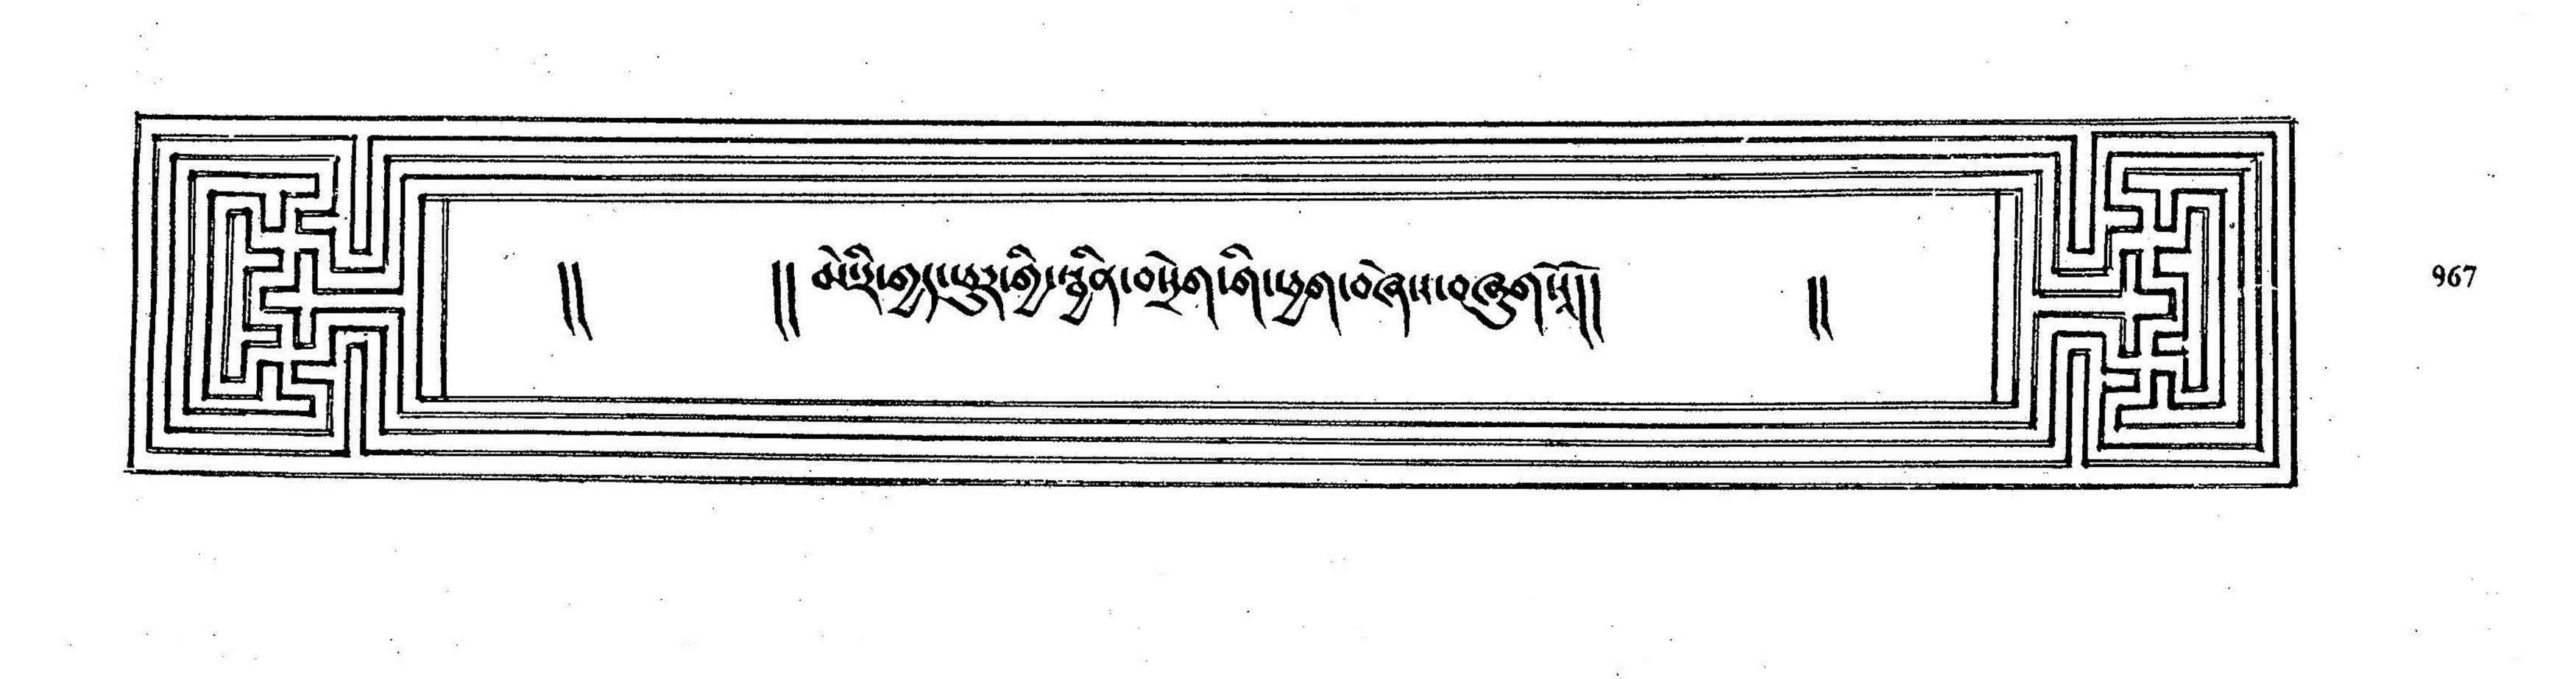།། །།མེ་རི་གྱད་ཕུར་གྱི་སྦྱིན་བསྲེག་གི་ཕྱག་བཞེས་བཞུགས་སྭོ།། །།